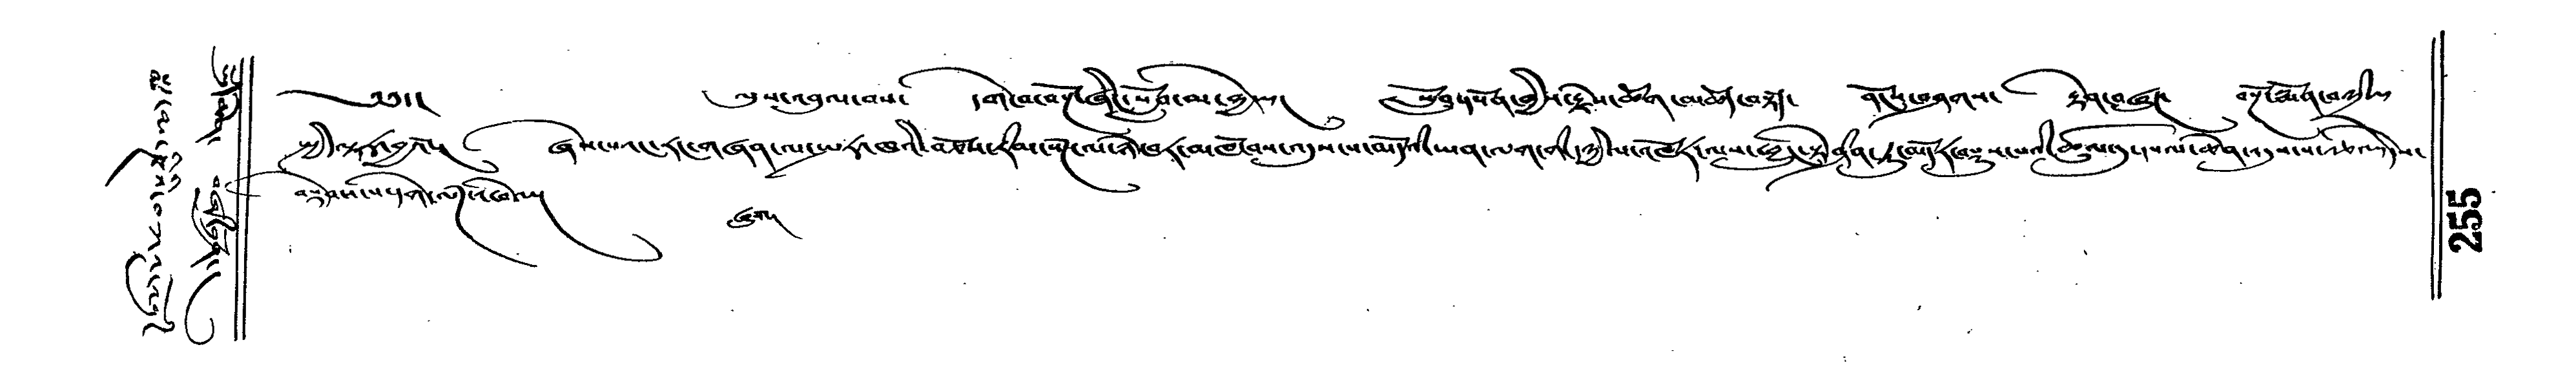ལུས་འབུལ་བས། དགེ་བ་བསྔོ་ཞིང་སློབ་མ་གྱེས། སློབ་དཔོན་གྱིས་རྗེས་ཆོག་མཆོད་བསྟོད། ནོངས་བཤགས། རྟེན་བཞུགས། བསྔོ་སྨོན་བཀྲ་ཤིས་
སྤྱི་ལྟར་བྱའོ། ཞེས་པའང་རང་གཞན་ལ་སྤར་ཁའི་བཅོས་རིམ་སོགས་ལ་ཉེ་བར་མཁོ་བས་འདུས་པ་མདོའི་ཡན་ལག་གི་དཀྱིལ་འཁོར་ལས་ཕྱུང་ཏེ་ཤིན་ཏུ་མདོར་བསྡུས་པའི་ཚུལ་དུ་དཔལ་ཆེན་འདུས་པ་རྩལ་དེས་
བསྡེབས་པ་དགེ་ལེགས་འཕེལ།། ཞུས་སོ།།